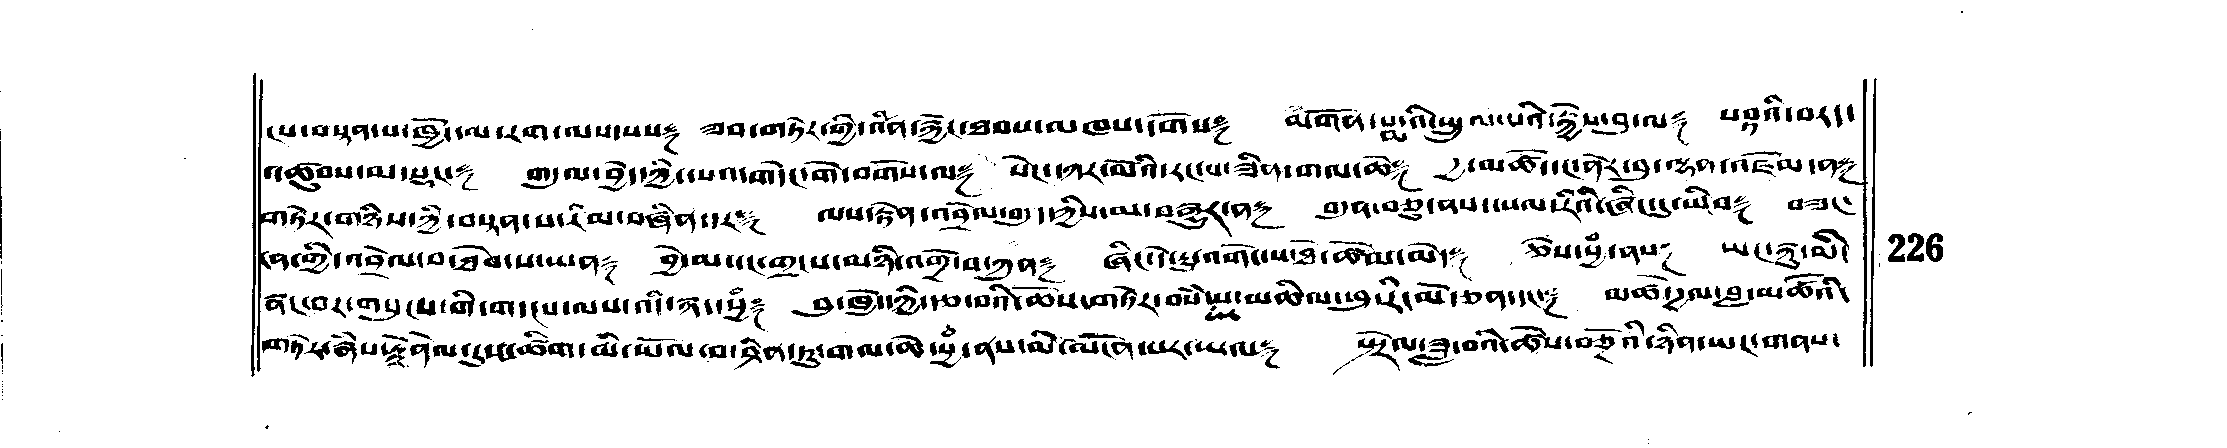།ངའི་བསྟན་པ་ཁྱོད་ལ་རག་ལས་པས། །ཟབ་གཏེར་གྱི་འཛིན་སྐྱོང་ཐབས་མཁས་དགོས། །མགོན་པདྨའི་སྤྲུལ་པའི་སྐྱེས་བུ་ལ། །སབྟའི་བར་ཆད་
འཚུབས་མ་སྡང་། །གདུལ་བྱེད་ཀྱི་དཔའ་གདེང་གོ་བགོས་ལ། །སེང་དཀར་མོའི་རང་ས་ཟིན་གལ་ཆེ། །རྒྱ་མཚོ་དང་ནོར་བུ་ལྷན་འཛོམས་ན། །
གཏེར་གཉིས་ཀྱི་བསྟན་པ་རིམ་བཞིན་དར། །ལས་རྟེན་འབྲེལ་བདུད་ཀྱིས་མ་བསྒྱུར་ན། །བདུན་བཅུ་ནས་དཔལ་རིའི་ཞིང་དུ་ཡིབ། །བཟང་
ངན་གྱི་འབྲེལ་བ་ཐོབ་པ་ཡན། །བྱེ་མ་དང་གྲངས་མཉམ་འགྲོ་བ་ཀུན། །ཞིང་དེ་རུ་འགོད་པ་ཐེ་ཚོམ་མེད། །ཅེས་གསུངས་ནས། ཡང་སྐུ་མི་
སྣང་བར་གསུང་གི་གདངས་ལས་འདི་སྐད་གསུང་། བུ་ཁྱོད་ཀྱི་རྩ་བའི་ཆོས་གཏེར་བསམ་ཡས་མཆིམས་ཕུ་རི་མོ་ཅན་དང་།མཚོ་རྒྱལ་བླ་མཚོའི་
གཏེར་རྣམས་རྟེན་འབྲེལ་དུས་ཚིགས་མི་ཡོལ་བ་ཤིན་ཏུ་གལ་ཆེ་གསུང་ནས་མི་མངོན་པར་ཡལ། སྤྲེལ་ཟླ་བའི་ཚེས་བཅོ་ལྔའི་ཉིན་ཡང་གནས་